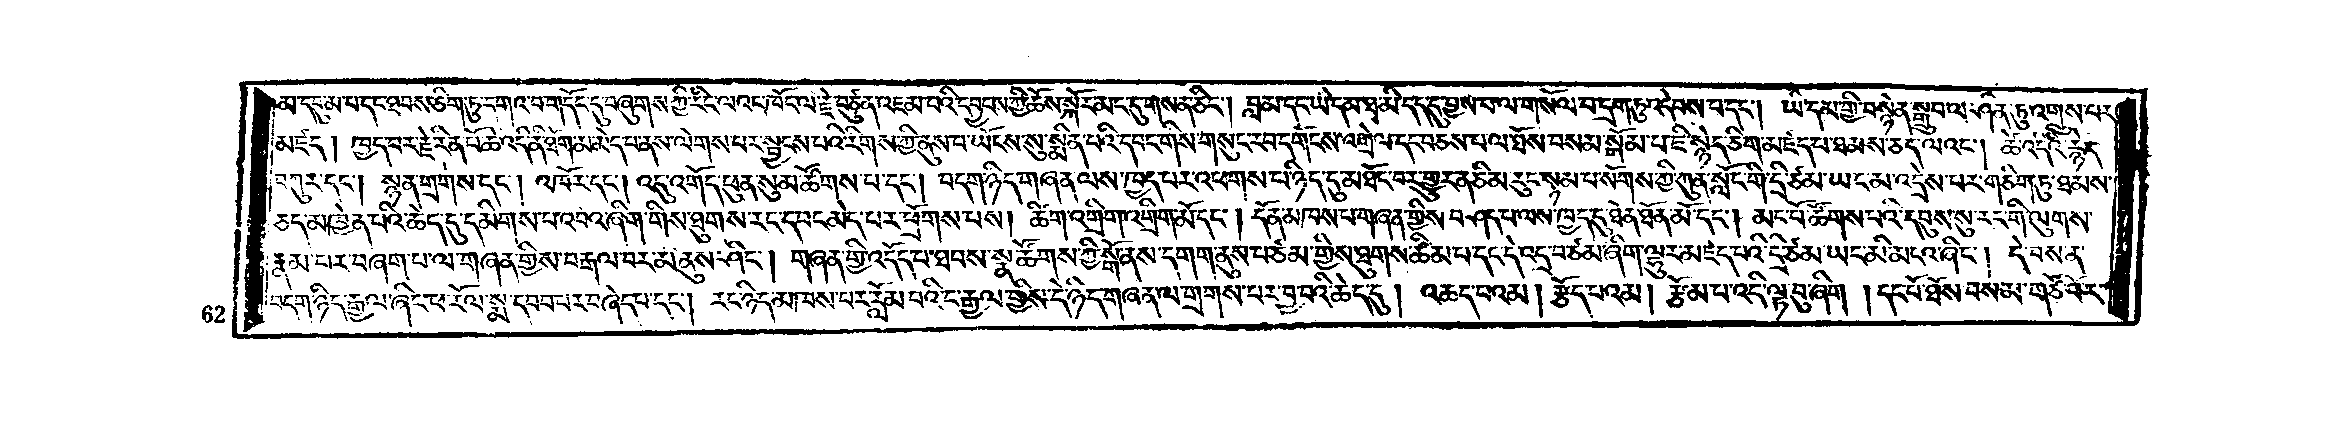མ་དབུ་མ་པ་དང་ཐབས་ཅིག་ཏུ་དགའ་བ་གདོང་དུ་བཞུགས་ཀྱི་རིང་ལའང་ཁོང་ལ་རྗེ་བཙུན་འཇམ་པའི་དབྱངས་ཀྱི་ཆོས་སྐོར་མང་དུ་གསན་ཅིང་། བླ་མ་དང་ཡི་དམ་ཐྭ་མི་དད་དུ་བྱས་པ་ལ་གསོལ་བ་དྲག་ཏུ་འདེབས་པ་དང་། ཡི་དམ་གྱི་བསྙེན་སྒྲུབ་ལ་ཤིན་ཏུ་འགྲུས་པར་
མཛད། ཁྱད་པར་རྗེ་རིན་པོ་ཆེ་འདི་ནི་ཐོག་མ་མེད་པ་ནས་ལེགས་པར་སྦྱངས་པའི་རིགས་ཀྱི་ནུས་པ་ཡོངས་སུ་སྨིན་པའི་དབང་གིས་གསུང་རབ་དགོངས་འགྲེལ་དང་བཅས་པ་ལ་ཐོས་བསམ་སྒོམ་པ་ཇི་སྙེད་ཅིག་མཛད་པ་ཐམས་ཅད་ལའང་། ཚེ་འདིའི་རྙེད་
བཀུར་དང་། སྙན་གྲགས་དང་། འཁོར་དང་། འདུ་འགོད་ཕུན་སུམ་ཚོགས་པ་དང་། བདག་ཉིད་གཞན་ལས་ཁྱད་པར་འཕགས་པ་ཉིད་དུ་མཐོང་བར་གྱུར་ན་ཅི་མ་རུང་སྙམ་པ་སོགས་ཀྱི་ཀུན་སློང་གི་དྲི་ཙམ་ཡང་མ་འདྲེས་པར་གཅིག་ཏུ་ཐམས་
ཅད་མཁྱེན་པའི་ཆེད་དུ་དམིགས་པ་འབའ་ཞིག་གིས་ཐུགས་རང་དབང་མེད་པར་ཕྲོགས་པས། ཚིག་འགྲིག་འགྲིག་མོ་དང་། དོན་མཁས་པ་གཞན་གྱིས་བཤད་པ་ལས་ཁྱད་དུ་ཐེན་ཐོན་མོ་དང་། མང་པོ་ཚོགས་པའི་དབུས་སུ་རང་གི་ལུགས་
རྣམ་པར་བཞག་པ་ལ་གཞན་གྱིས་བརྒལ་བར་མི་ནུས་ཤིང་། གཞན་གྱི་འདོད་པ་ཐབས་སྣ་ཚོགས་ཀྱི་སྒོ་ནས་དགག་ནུས་པ་ཙམ་གྱིས་ཐུགས་ཚིམ་པ་དང་དེ་འདྲ་བ་ཙམ་ཞིག་ལྷུར་མཛད་པའི་དྲི་ཙམ་ཡང་མི་མངའ་ཞིང་། དེ་བས་ན་
བདག་ཉིད་རྒྱལ་ཞིང་ཕ་རོལ་སྨ་དབབ་པར་བཞེད་པ་དང་། རང་ཉིད་མཁས་པར་རློམ་པའི་ང་རྒྱལ་གྱིས་དེ་ཉིད་གཞན་ལ་གྲགས་པར་བྱ་བའི་ཆེད་དུ། འཆད་པའམ། རྩོད་པའམ། རྩོམ་པ་འདི་ལྟ་བུ་ཞིག །དང་པོ་ཐོས་བསམ་གཙོ་བོར་